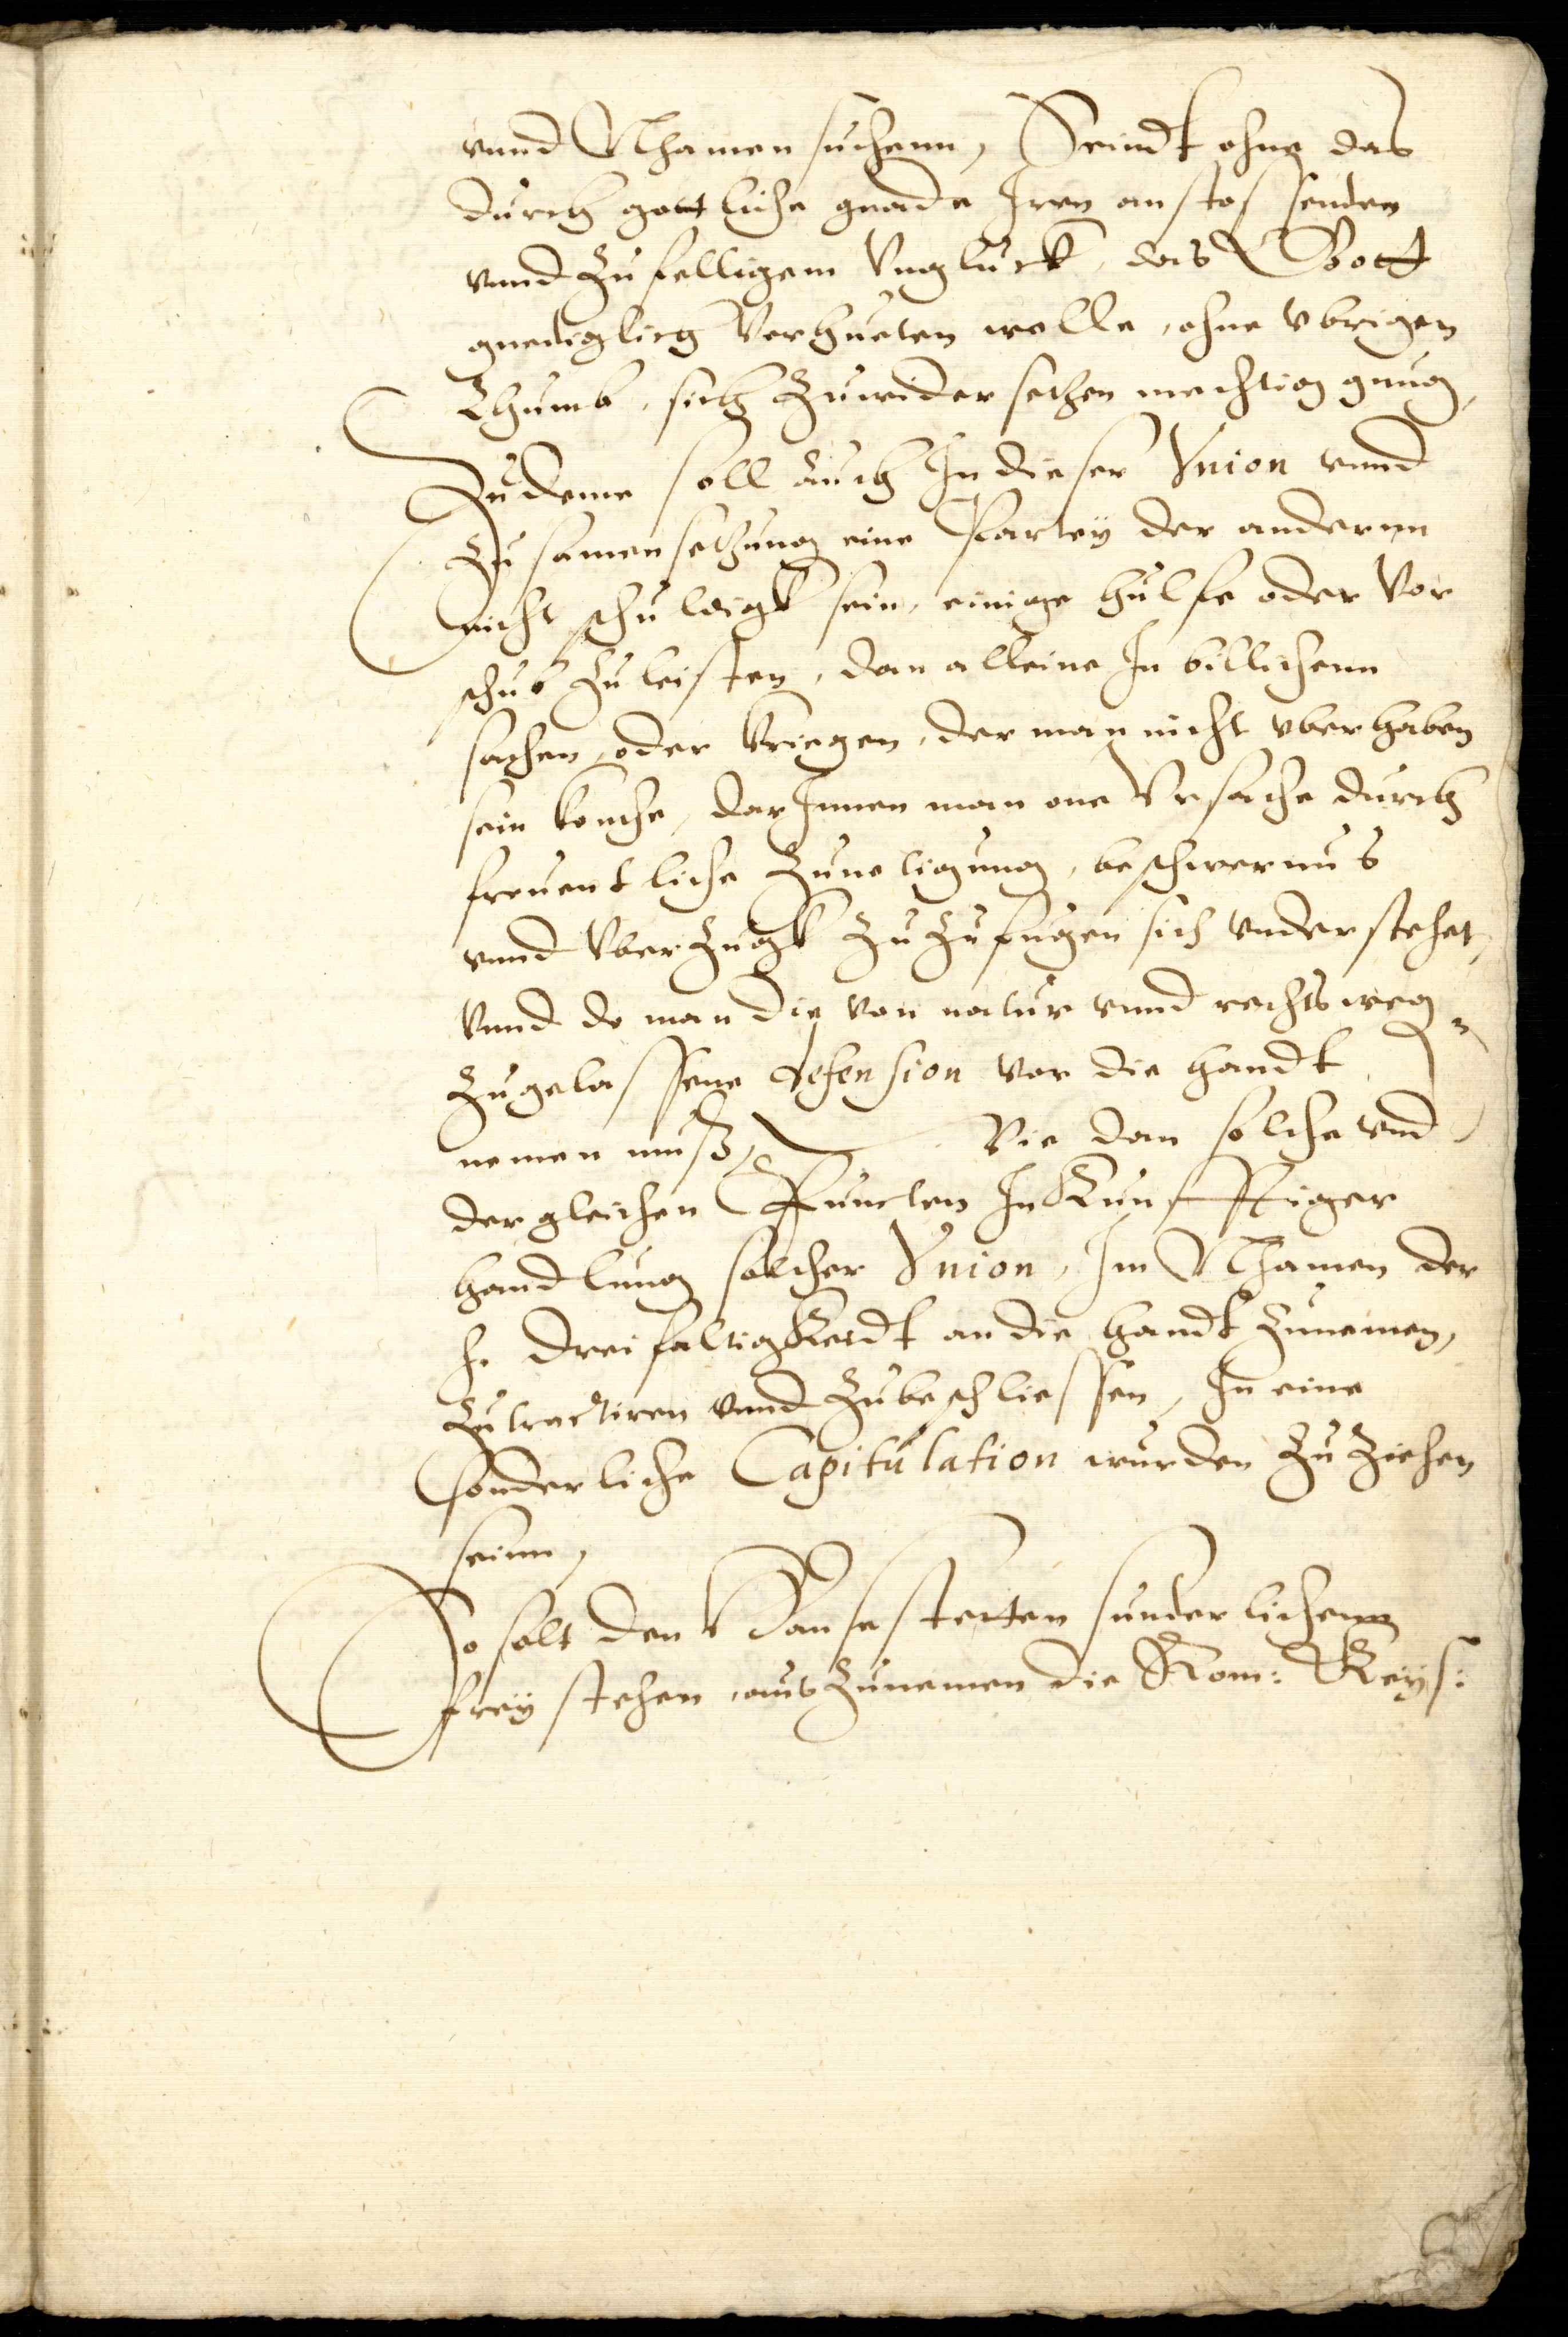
vnnd Nhamen suchenn, Seindt ohne das
durch gottliche gnade Jren anstossenden
vnnd zufelligem Vngluck, das Gott
gnediglich verhueten wolle, ohne vbrigen
thumb, sich zuwider setzen mechtig gnug,
Zudeme soll auch Jn dieser Vnion vnnd
zusamensetzung eine Parteij der anderen
nicht schuldigk sein, einige hulfe oder vor
schub zu leisten, dan alleine Jn billichenn
sachen, oder kriegen, der man nicht vberhaben
sein konthe, dar Jnnen man one Vrsache durch
freuentliche zunotigung, beschwernus
vnnd Vberzugk zuzufugen sich vnderstehet ,
vnnd do man die von natur vnnd rechts wegen
zugelassene defension vor die handt
nemen muß, Wie dan solche vnd
dergleichen Puncten Jn kunfttiger
handlung solcher Vnion, Jm Nhamen der
h. Dreifaltigkeidt an die handt zunemen,
Zu tractiren vnnd zu beschliessen, Jn eine
sonderliche Capitulation wurden zu ziehen
seinn,
So solt den Hansestetten sunderlichenn
freij stehen, auszunemen die Rom: Keijs:
